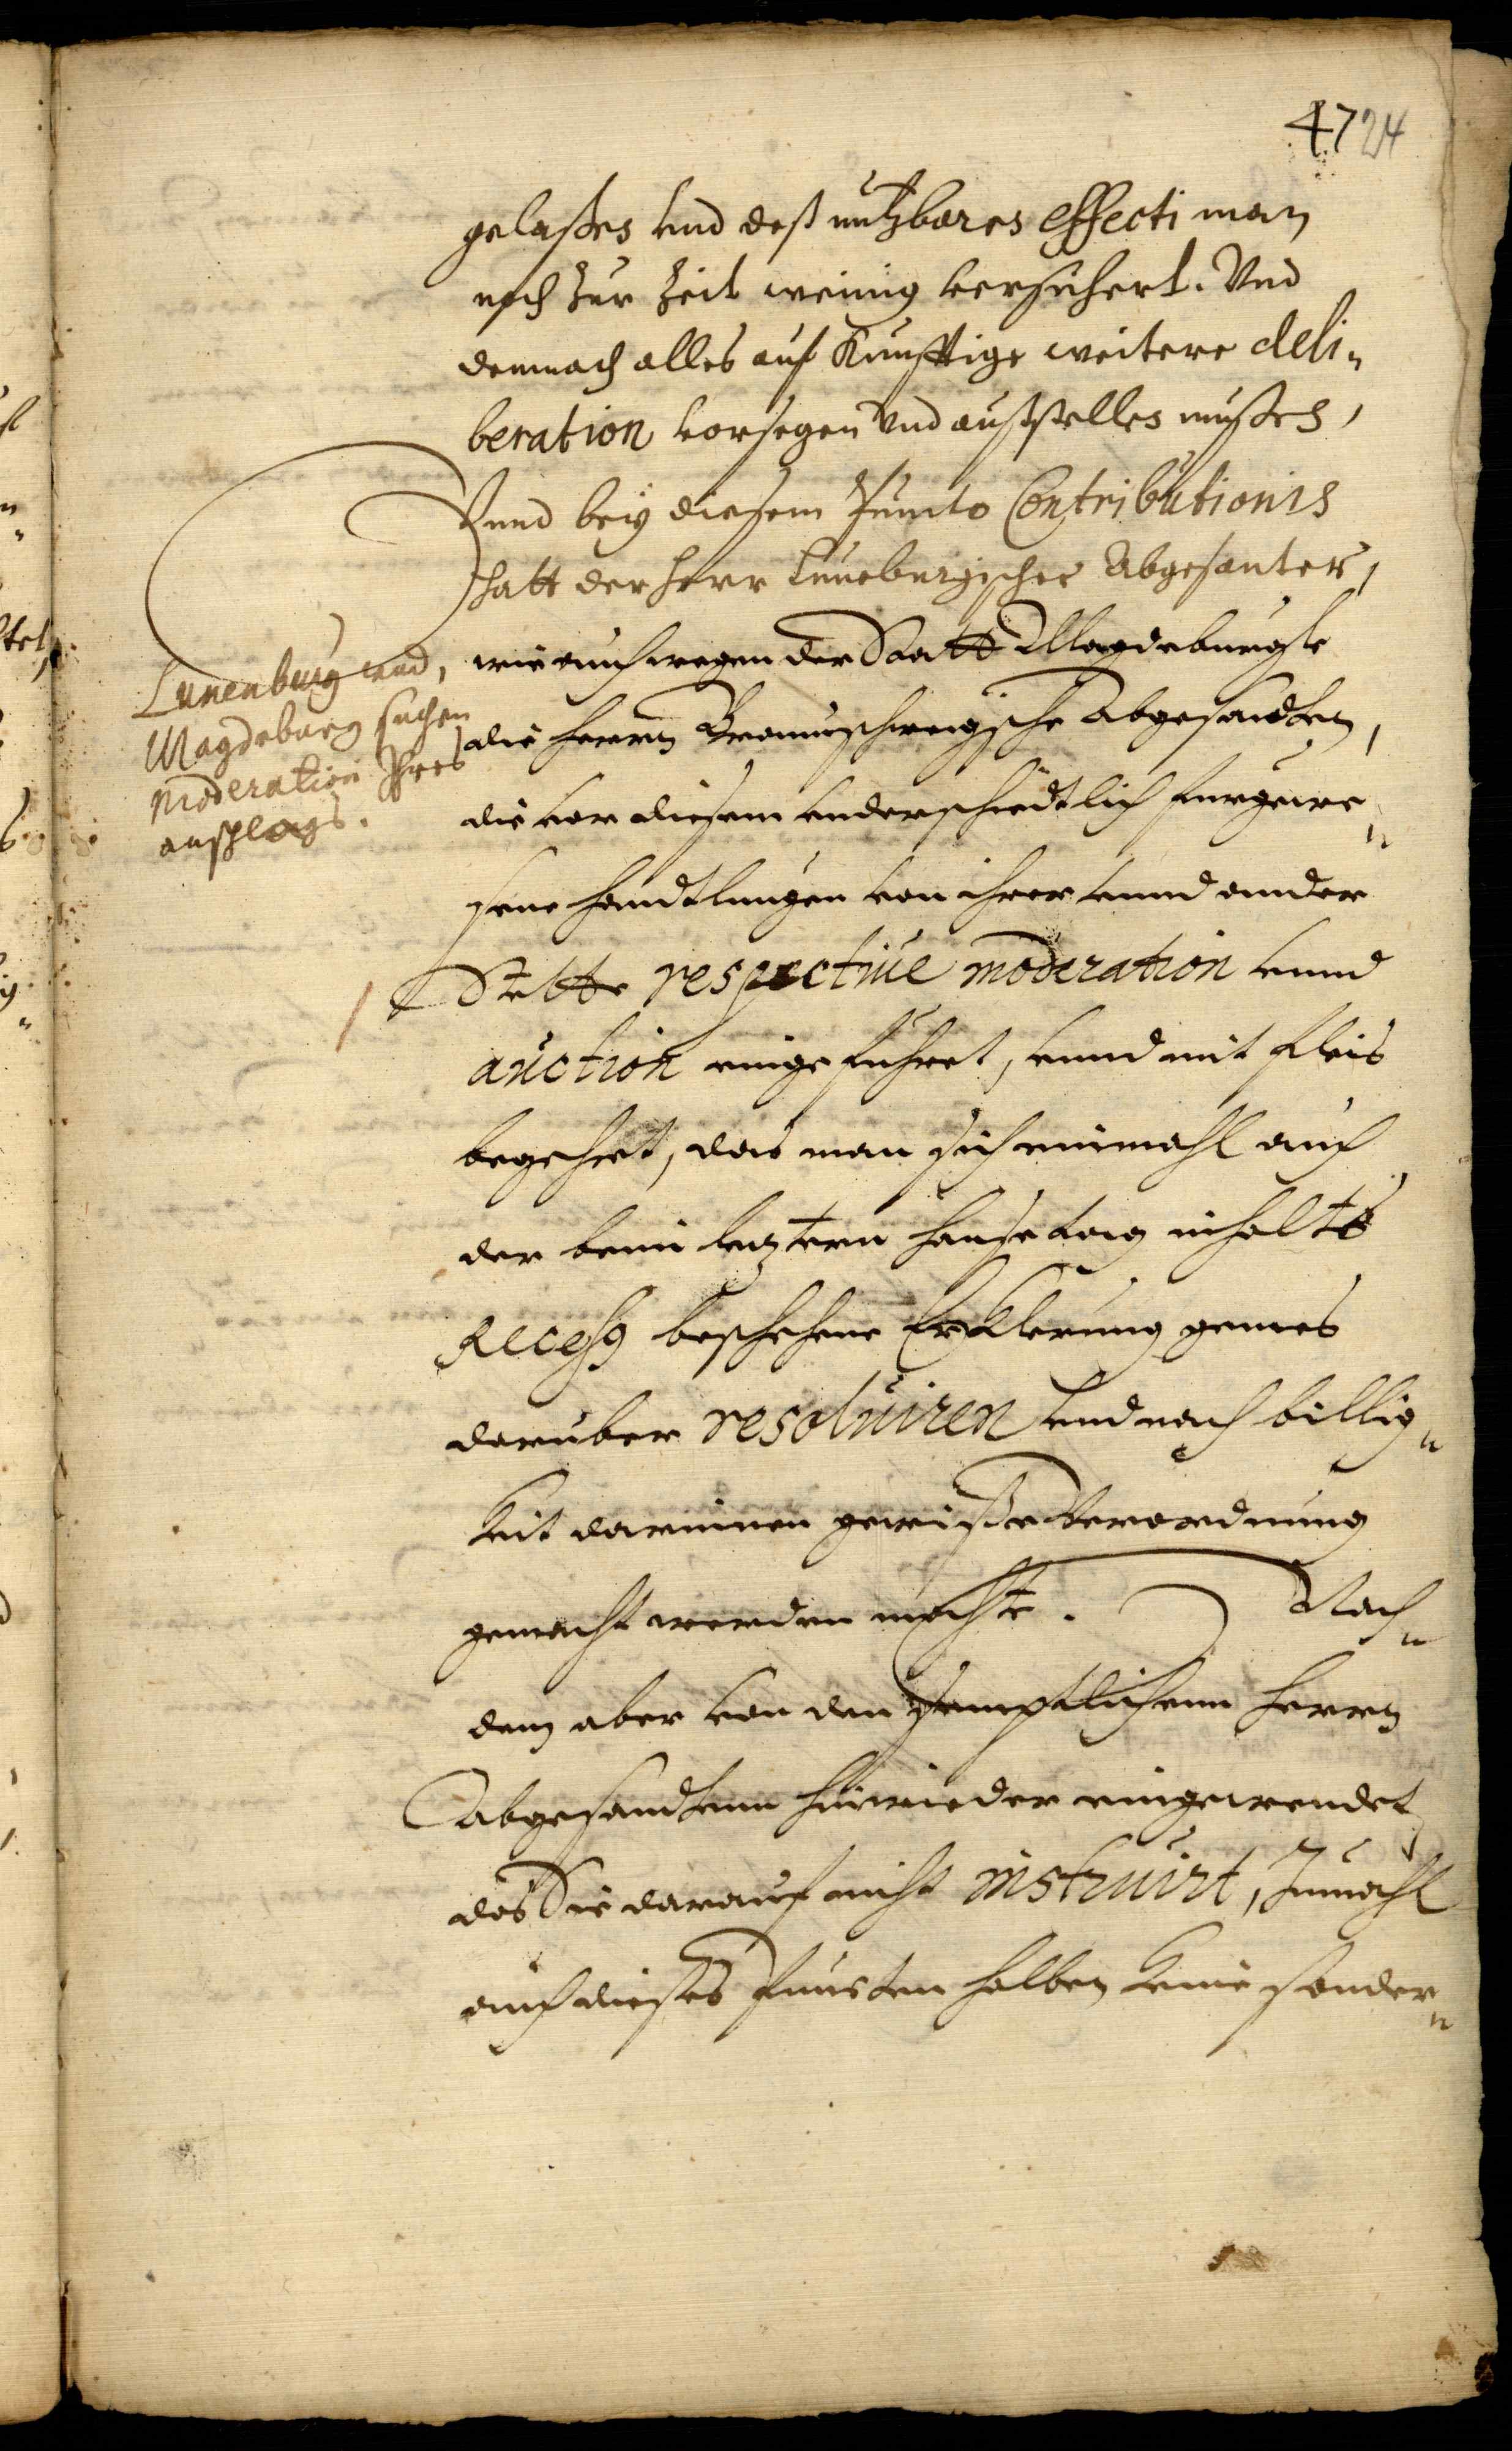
47
gelaßen vnd daß nutzbaren effecti man
noch zur zeit weinig versichert. Vnd
demnach alles auf kunfftige weitere deli¬
beration vorsegen vnd außstellen mußen,
Vnnd beij diesem Puncto Contributionis
hatt der herr Luneburgischer Abgesanter,
wie auch wegen der Statt Magdeburgk
die herrn Braunschweigsche Abgesandten,
die vor diesem vnderschiedtlich furgewe¬
sene handtlungen von ihrer vnnd ander
Stette respectiue moderation vnnd
auction eingefuhret, vnnd mit fleis
begehrt, das man sich einmahl auf
der beim letztern hansetag inhalts
Recesus beschehene Erklerung gemes
daruber resoluiren vnd nach billig¬
keit darinnen gewiße Verordnung
gemacht werden mochte. Nach¬
dem aber von den semptlichenn herrn
Abgesandtenn hinwieder eingewendet,
das Sie darauf nicht instruirt, Zumahl
auch dieses Puncten halben keine sonder¬
Lunenburg und,
Magdeburg suchen
moderation Ihres
anschlags.
